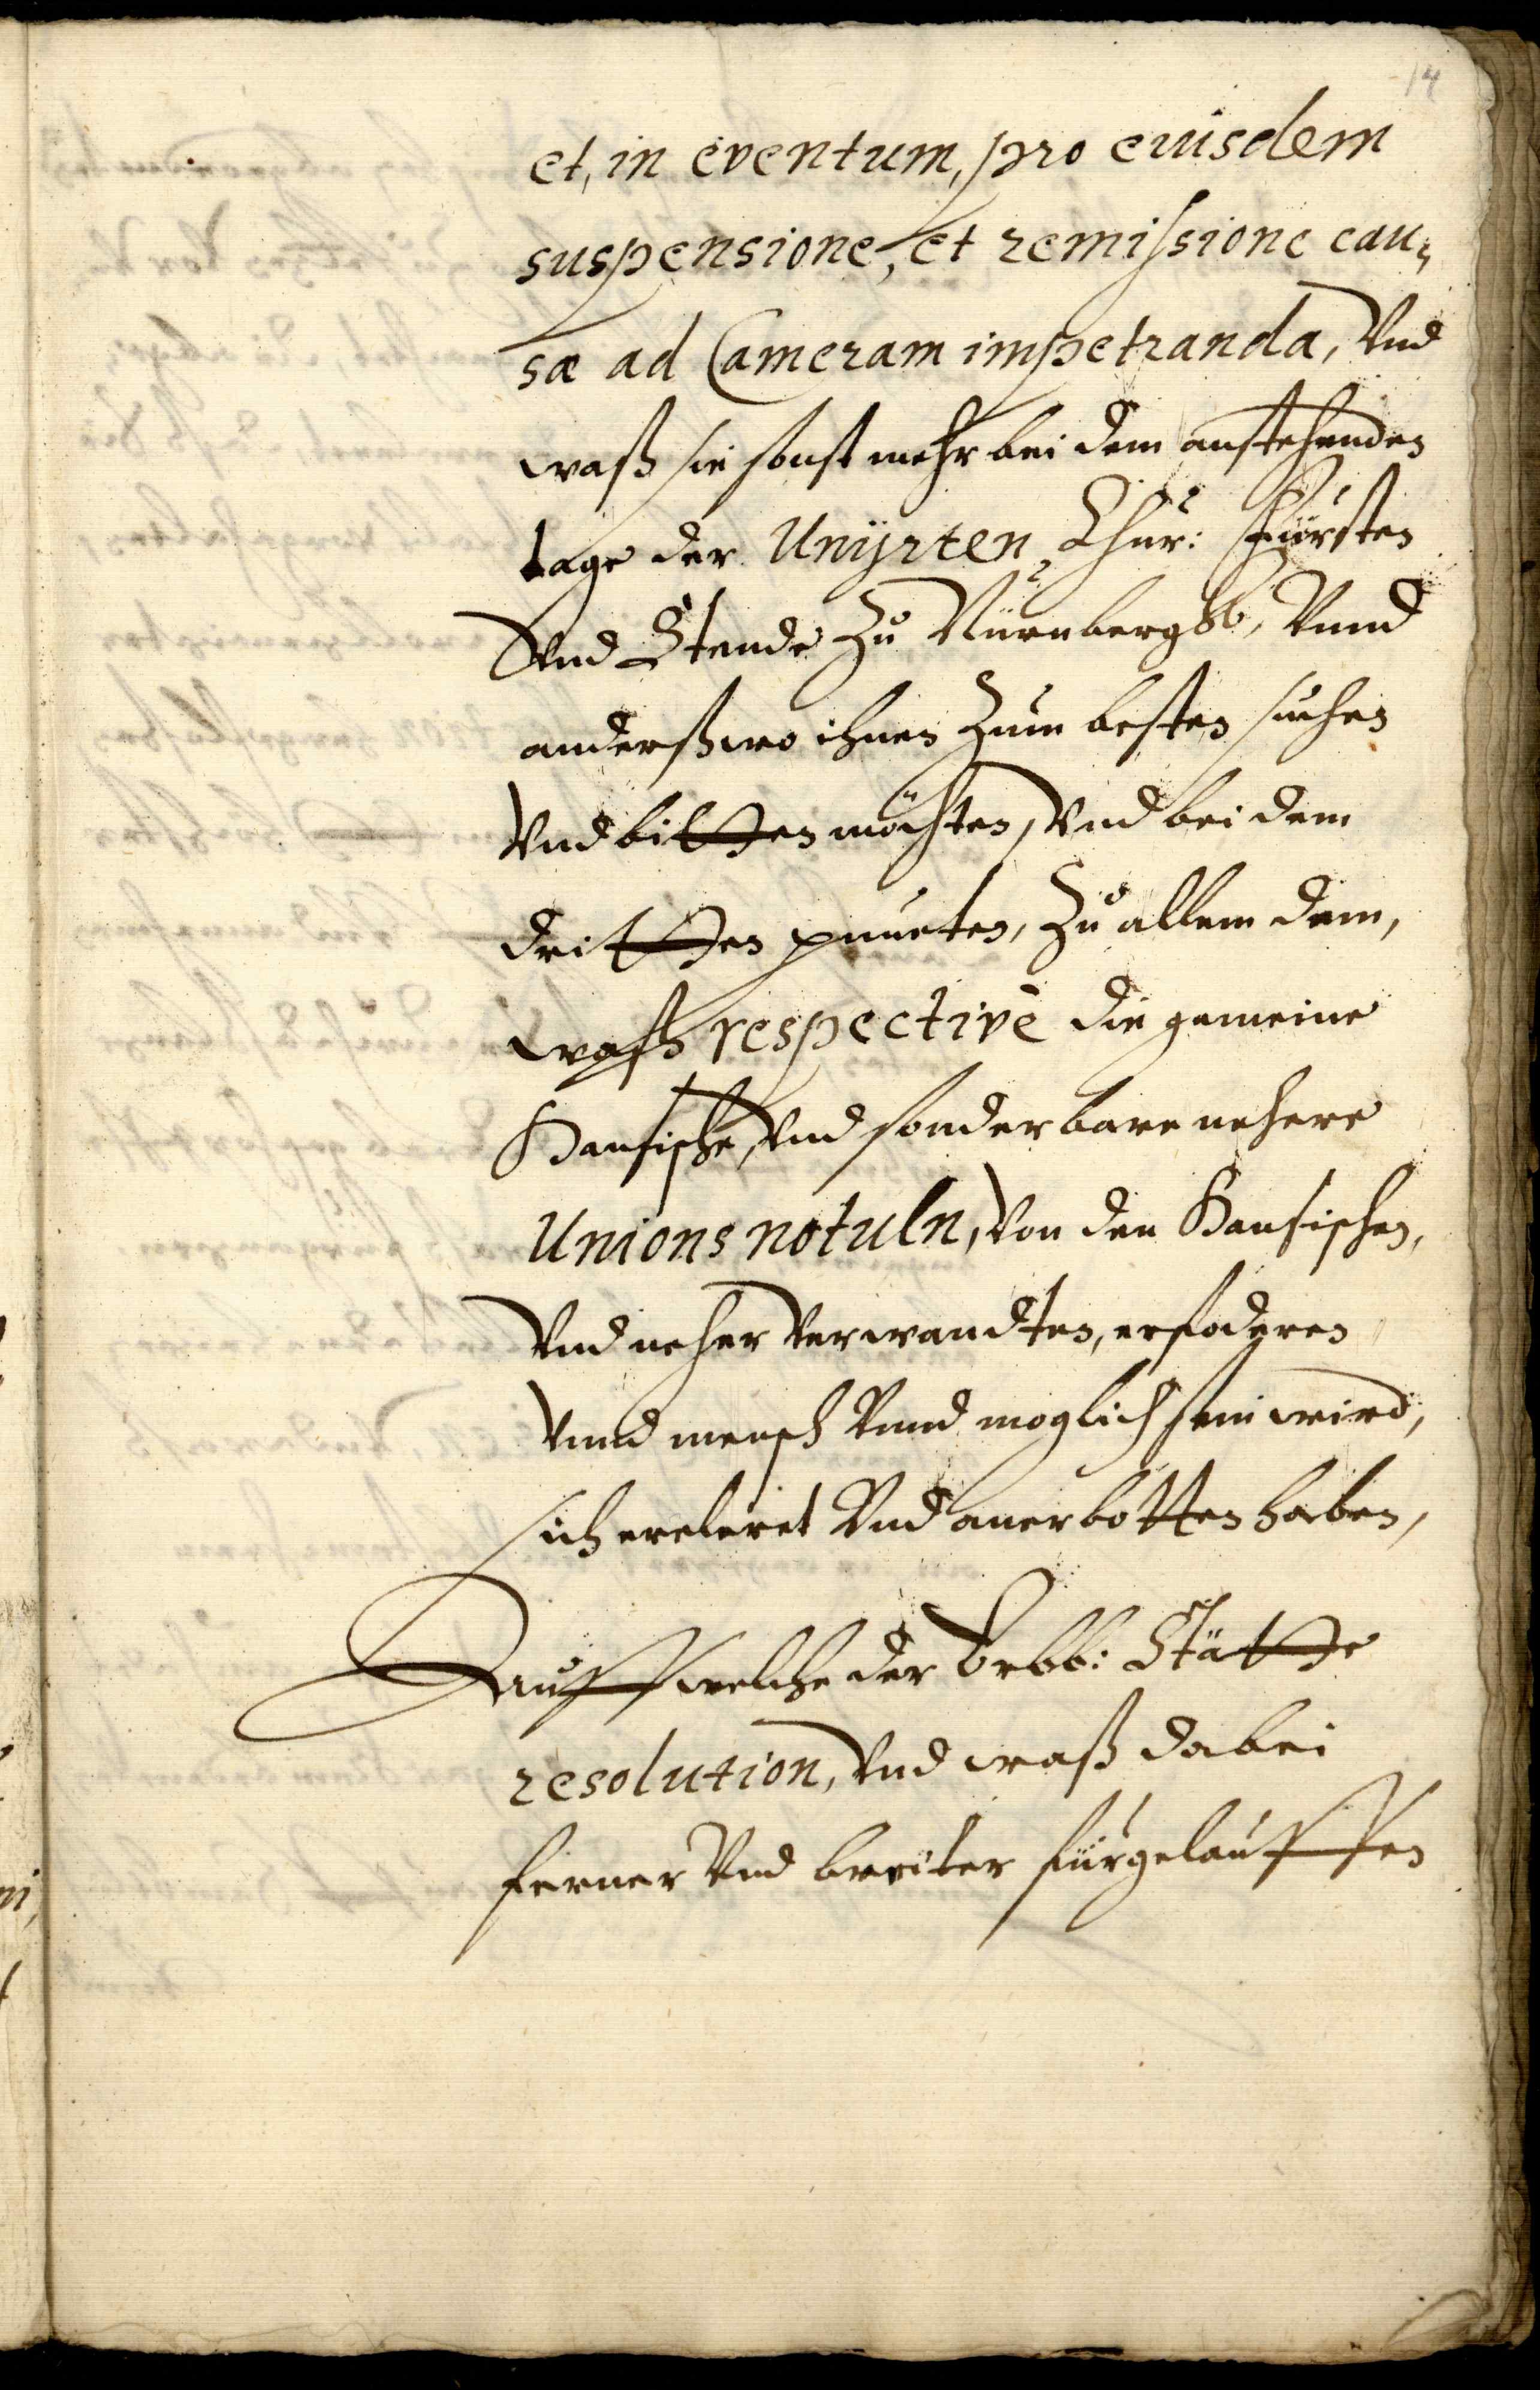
et, in eventum, pro eiusdem
suspensione, et remissione cau¬
sa ad Cameram impetranda, Vnd
waß sie sonst mehr bei dem anstehenden
tage der Unijrten Chur: fürsten
Vnd Stende zu Nürnbergk, Vnnd
anderßwo ihren zum besten suchen
Vnd bitten möchten, Vnd bei dem
dritten puncten, zu allem dem
waß respective die gemeine
Hansische, Vnd sonderbare nehere
Unions notuln, Von den Hansischen,
Vnd neher Verwandten, erfoderen
Vnd mensch Vnnd moglich sein wird,
sich ercleret Vnd anerbotten haben,
Auff welche der Erbb: Stätte
resolution, Vnd waß dabei
ferner Vnd breiter fürgelauffen
